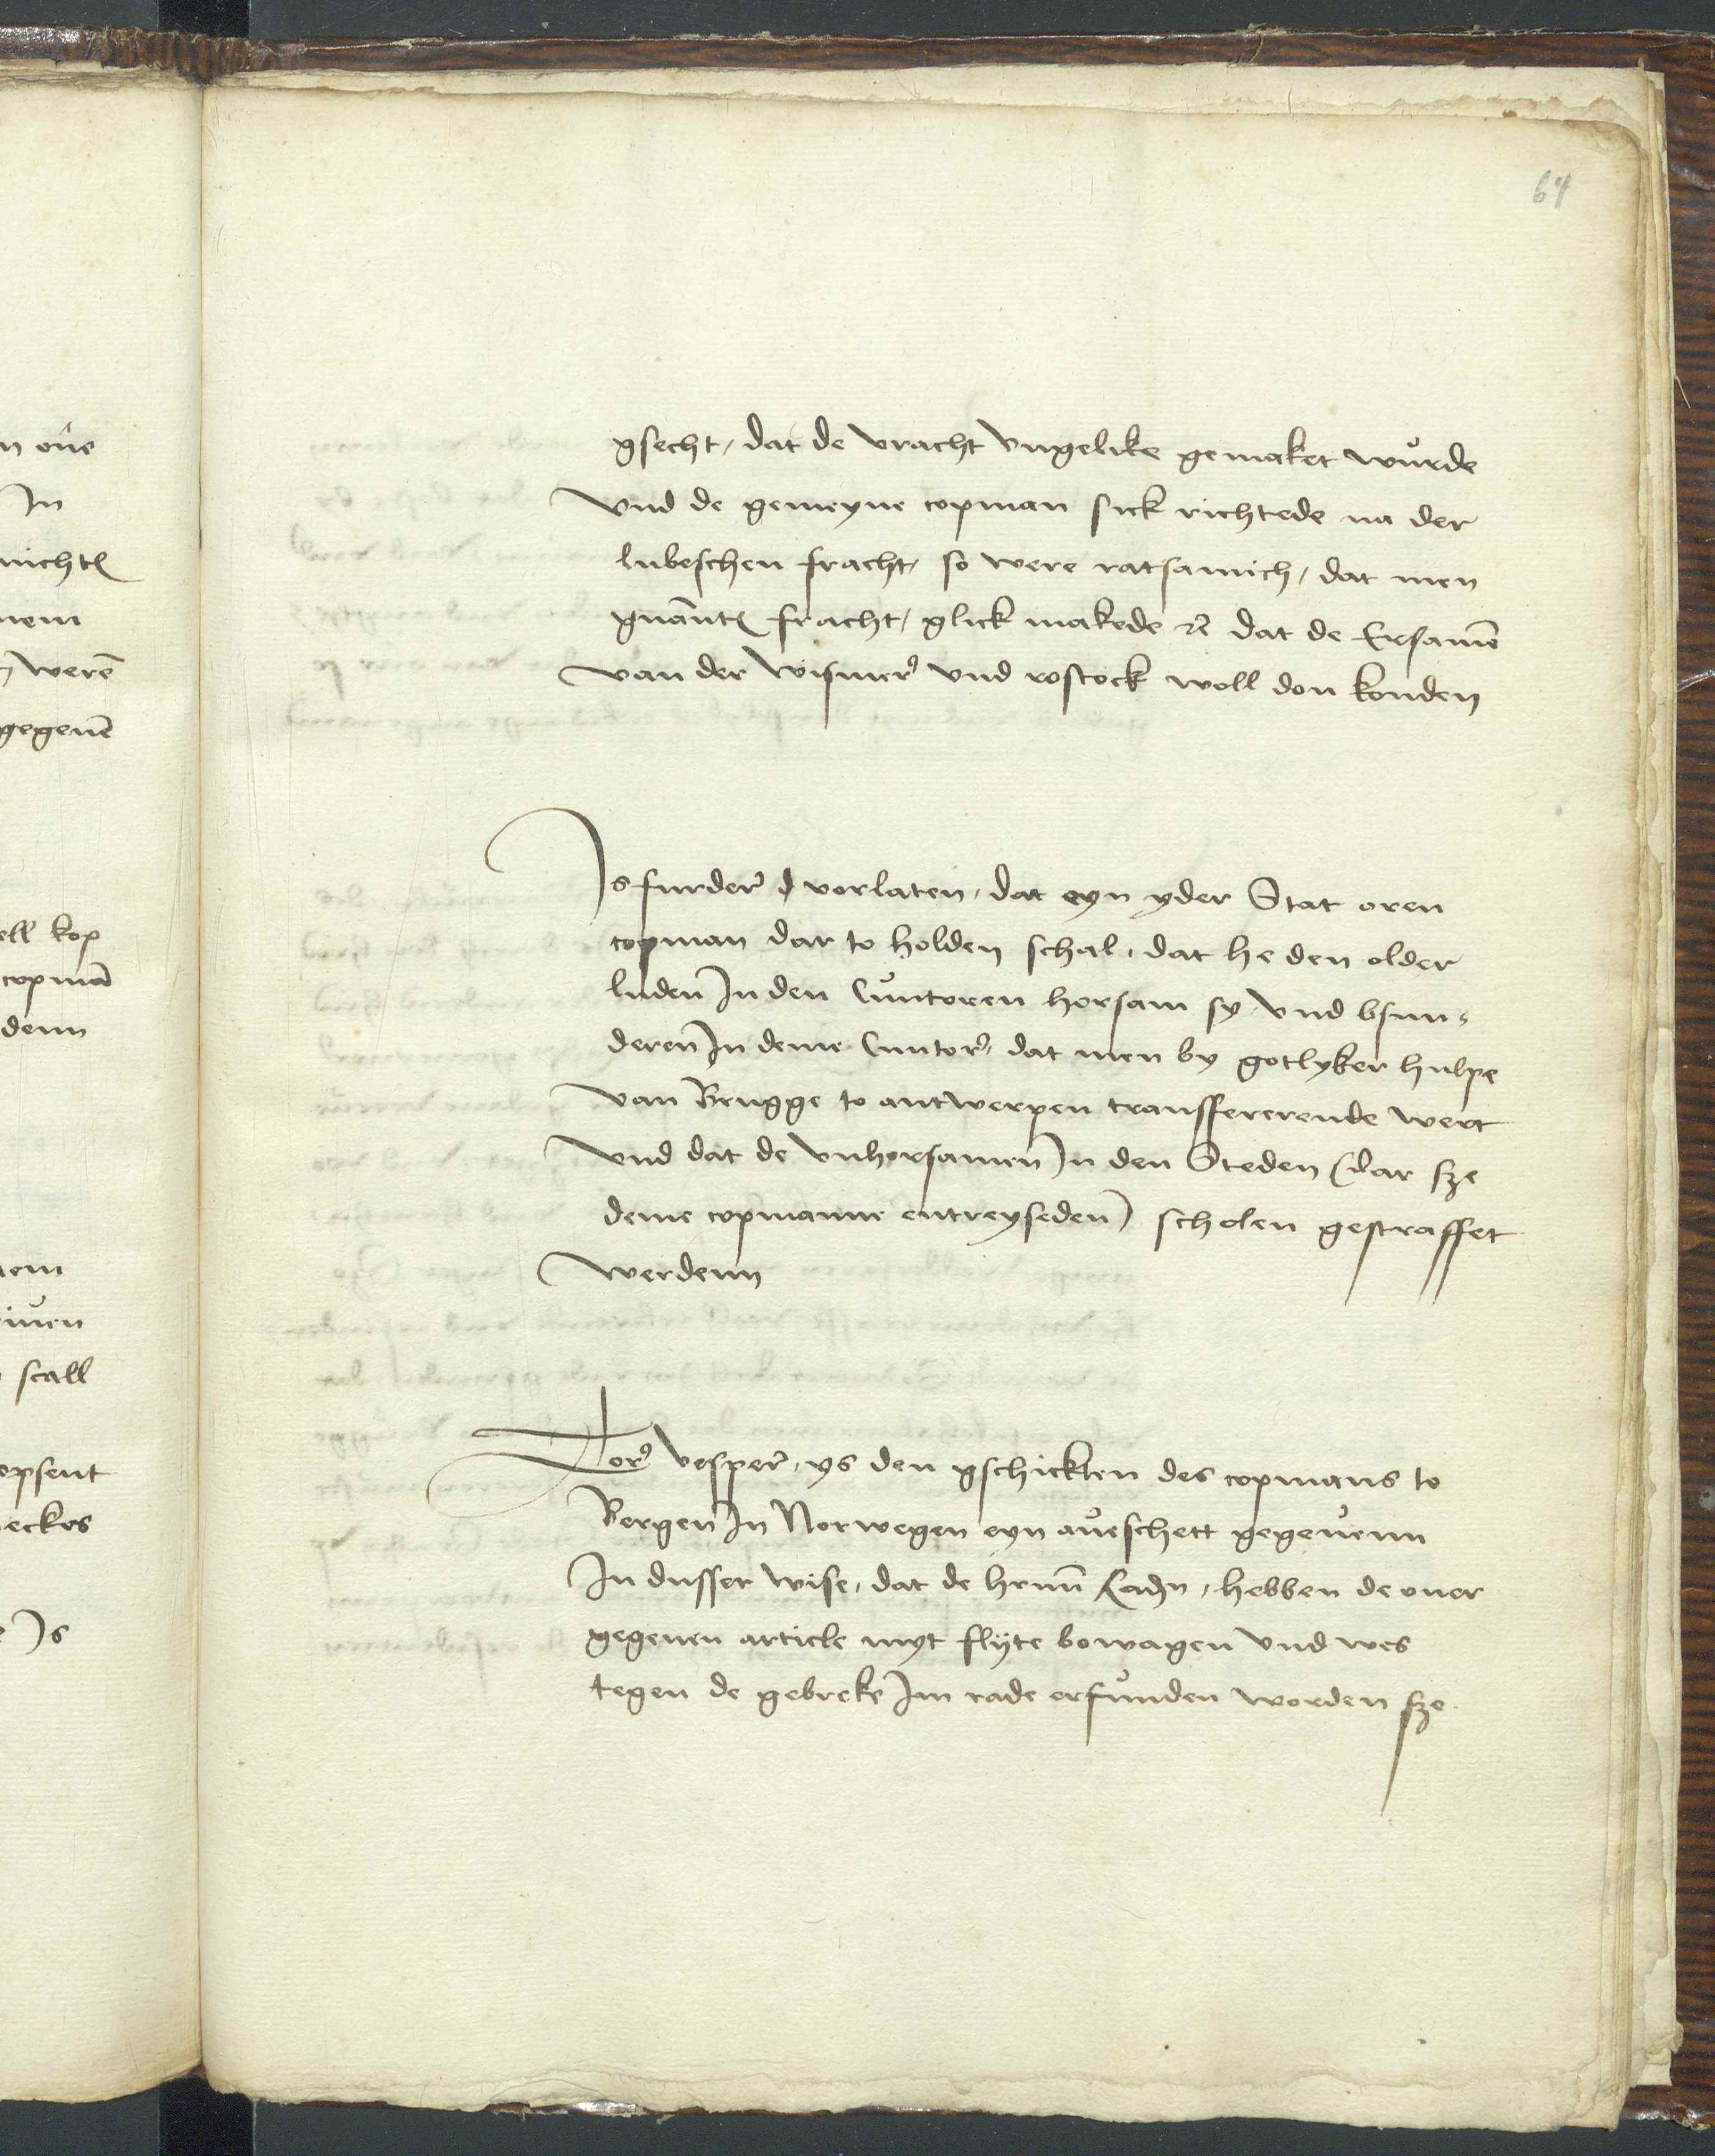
gsecht, dat de vracht vngelike gemaket wurde
vnd de gemeyner copman sick richtede an der
lubeschen fracht so were ratsamich, dat men
gnannten fracht, glick makede etc dat de Ersamen
van der Wismer vnd rostock woll don konden
Js furder d vorlaten, dat eyn yder Stat oren
copman dar to holden schal, dat he den older¬
luden Jn den Cuntoren horsam sy vnd bsun¬
deren Jn deme Cuntor dat men by gotlyker hulpe
van Brugge to antwerpen transfererende wert
vnd dat de vnhorsamen Jn den Steden (dar sze
deme copmanne entreysenden) scholen gestraffet
werdenn
Tor vesper, ys den geschickten des copmans to
Bergen Jn Norwegen eyn aueschett gegeuenn
Jn dusser wise, dat de hernn Radessendebaden, hebben de ouer¬
gegeuen article myt flijte bowagen vnd wes
tegen de gebreke Jm rade erfunden worden sze
